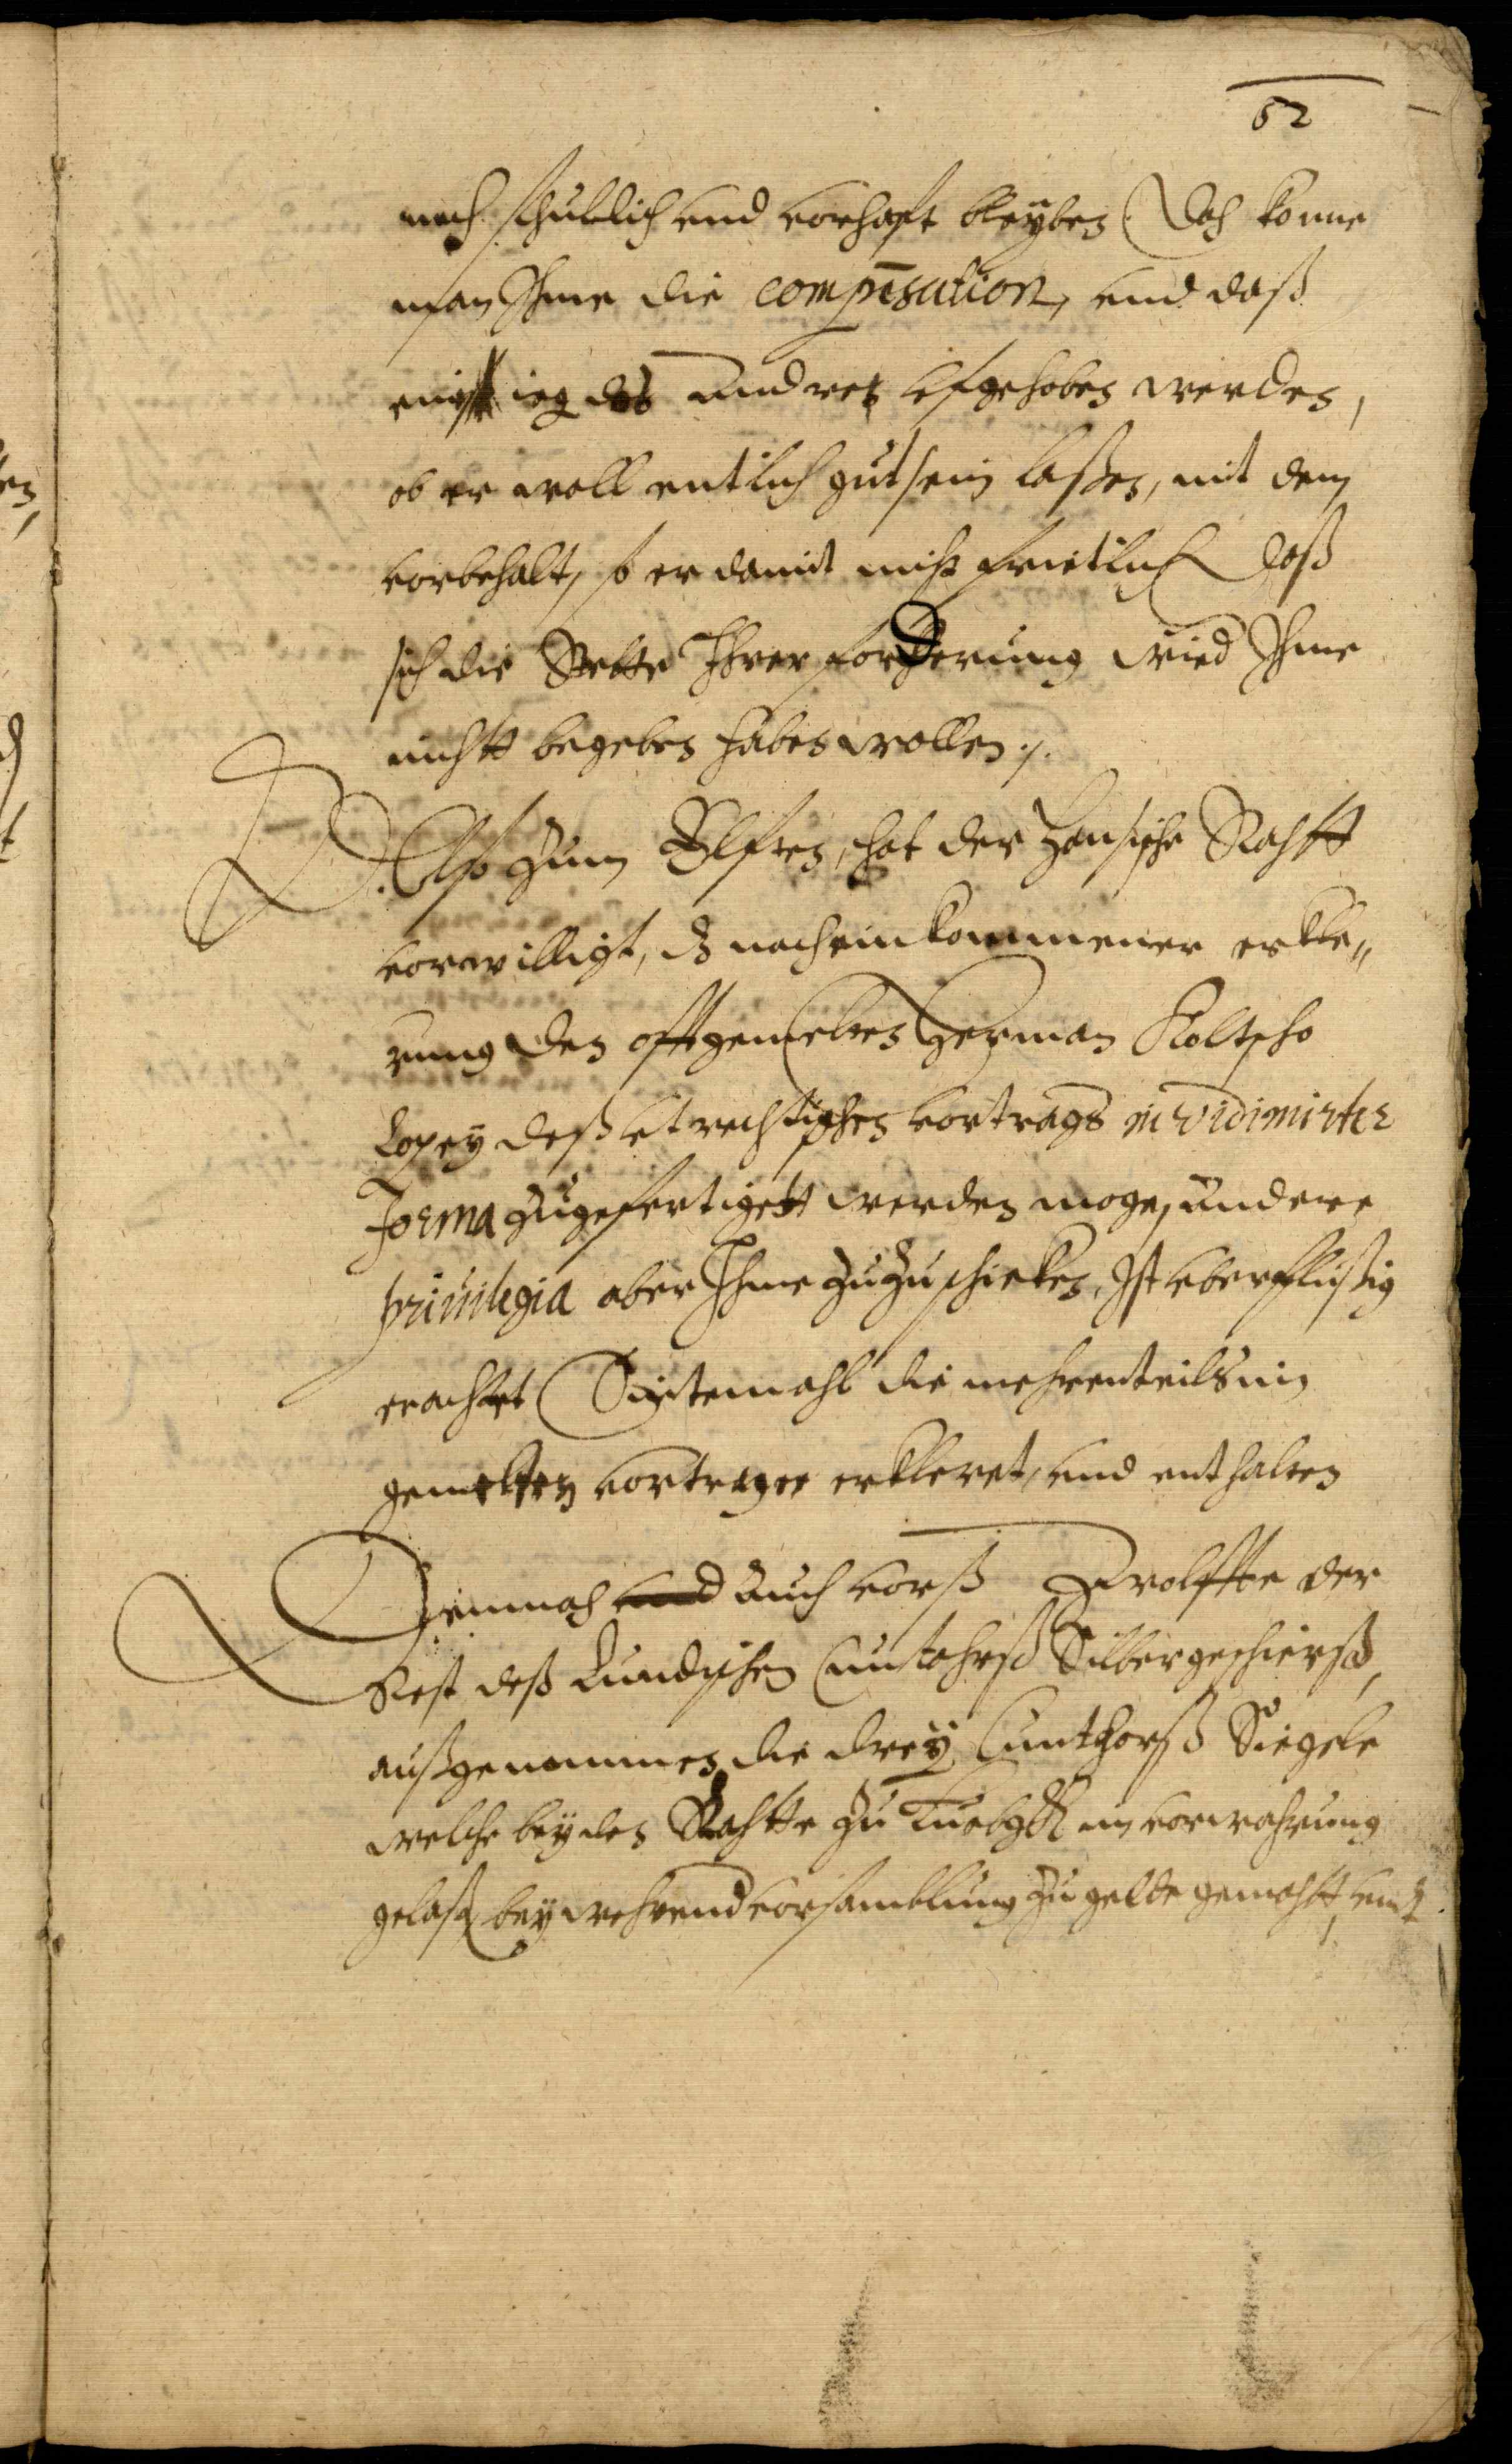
52
nach schuldich vnd vorhaft bleijben doch konne
man Ihme die compensation vnd daß
einß iegen das Andres vfgehoben werden,
ob er woll entlich gut sein laßen, mit dem
vorbehalt, so er damit nicht frietlich daß
sich die Stette Ihrer vorderung wieder Ihme
nichtt begeben haben wollen ./.
Also zum Elften, hat der Hansische Rahtt
vorwilligt, das nach einkommener erkle¬
rung den offtgemelten Herman Holtscho
Copeij deß vtrechtighen vortrages revidimirter
Forma zugefertigett werden moge, andere
privilegia aber Ihme zuzuschicken, Ist vberflußig
erachtet Sintemahl die mehrenteils nu
gemelten vortragen erkleret, vnd enthalten
Demnach vnd auch vorß Zwolffte der
Rest deß Lundischen Cuntohrß Silbergeschierß,
außgenommen die dreij Cunthorß Siegele
welche beij den Rahtte zu Luebgk in vorwahrung
gelaßen beij wehrender vorsamblung zu gelde gemacht, vndt
